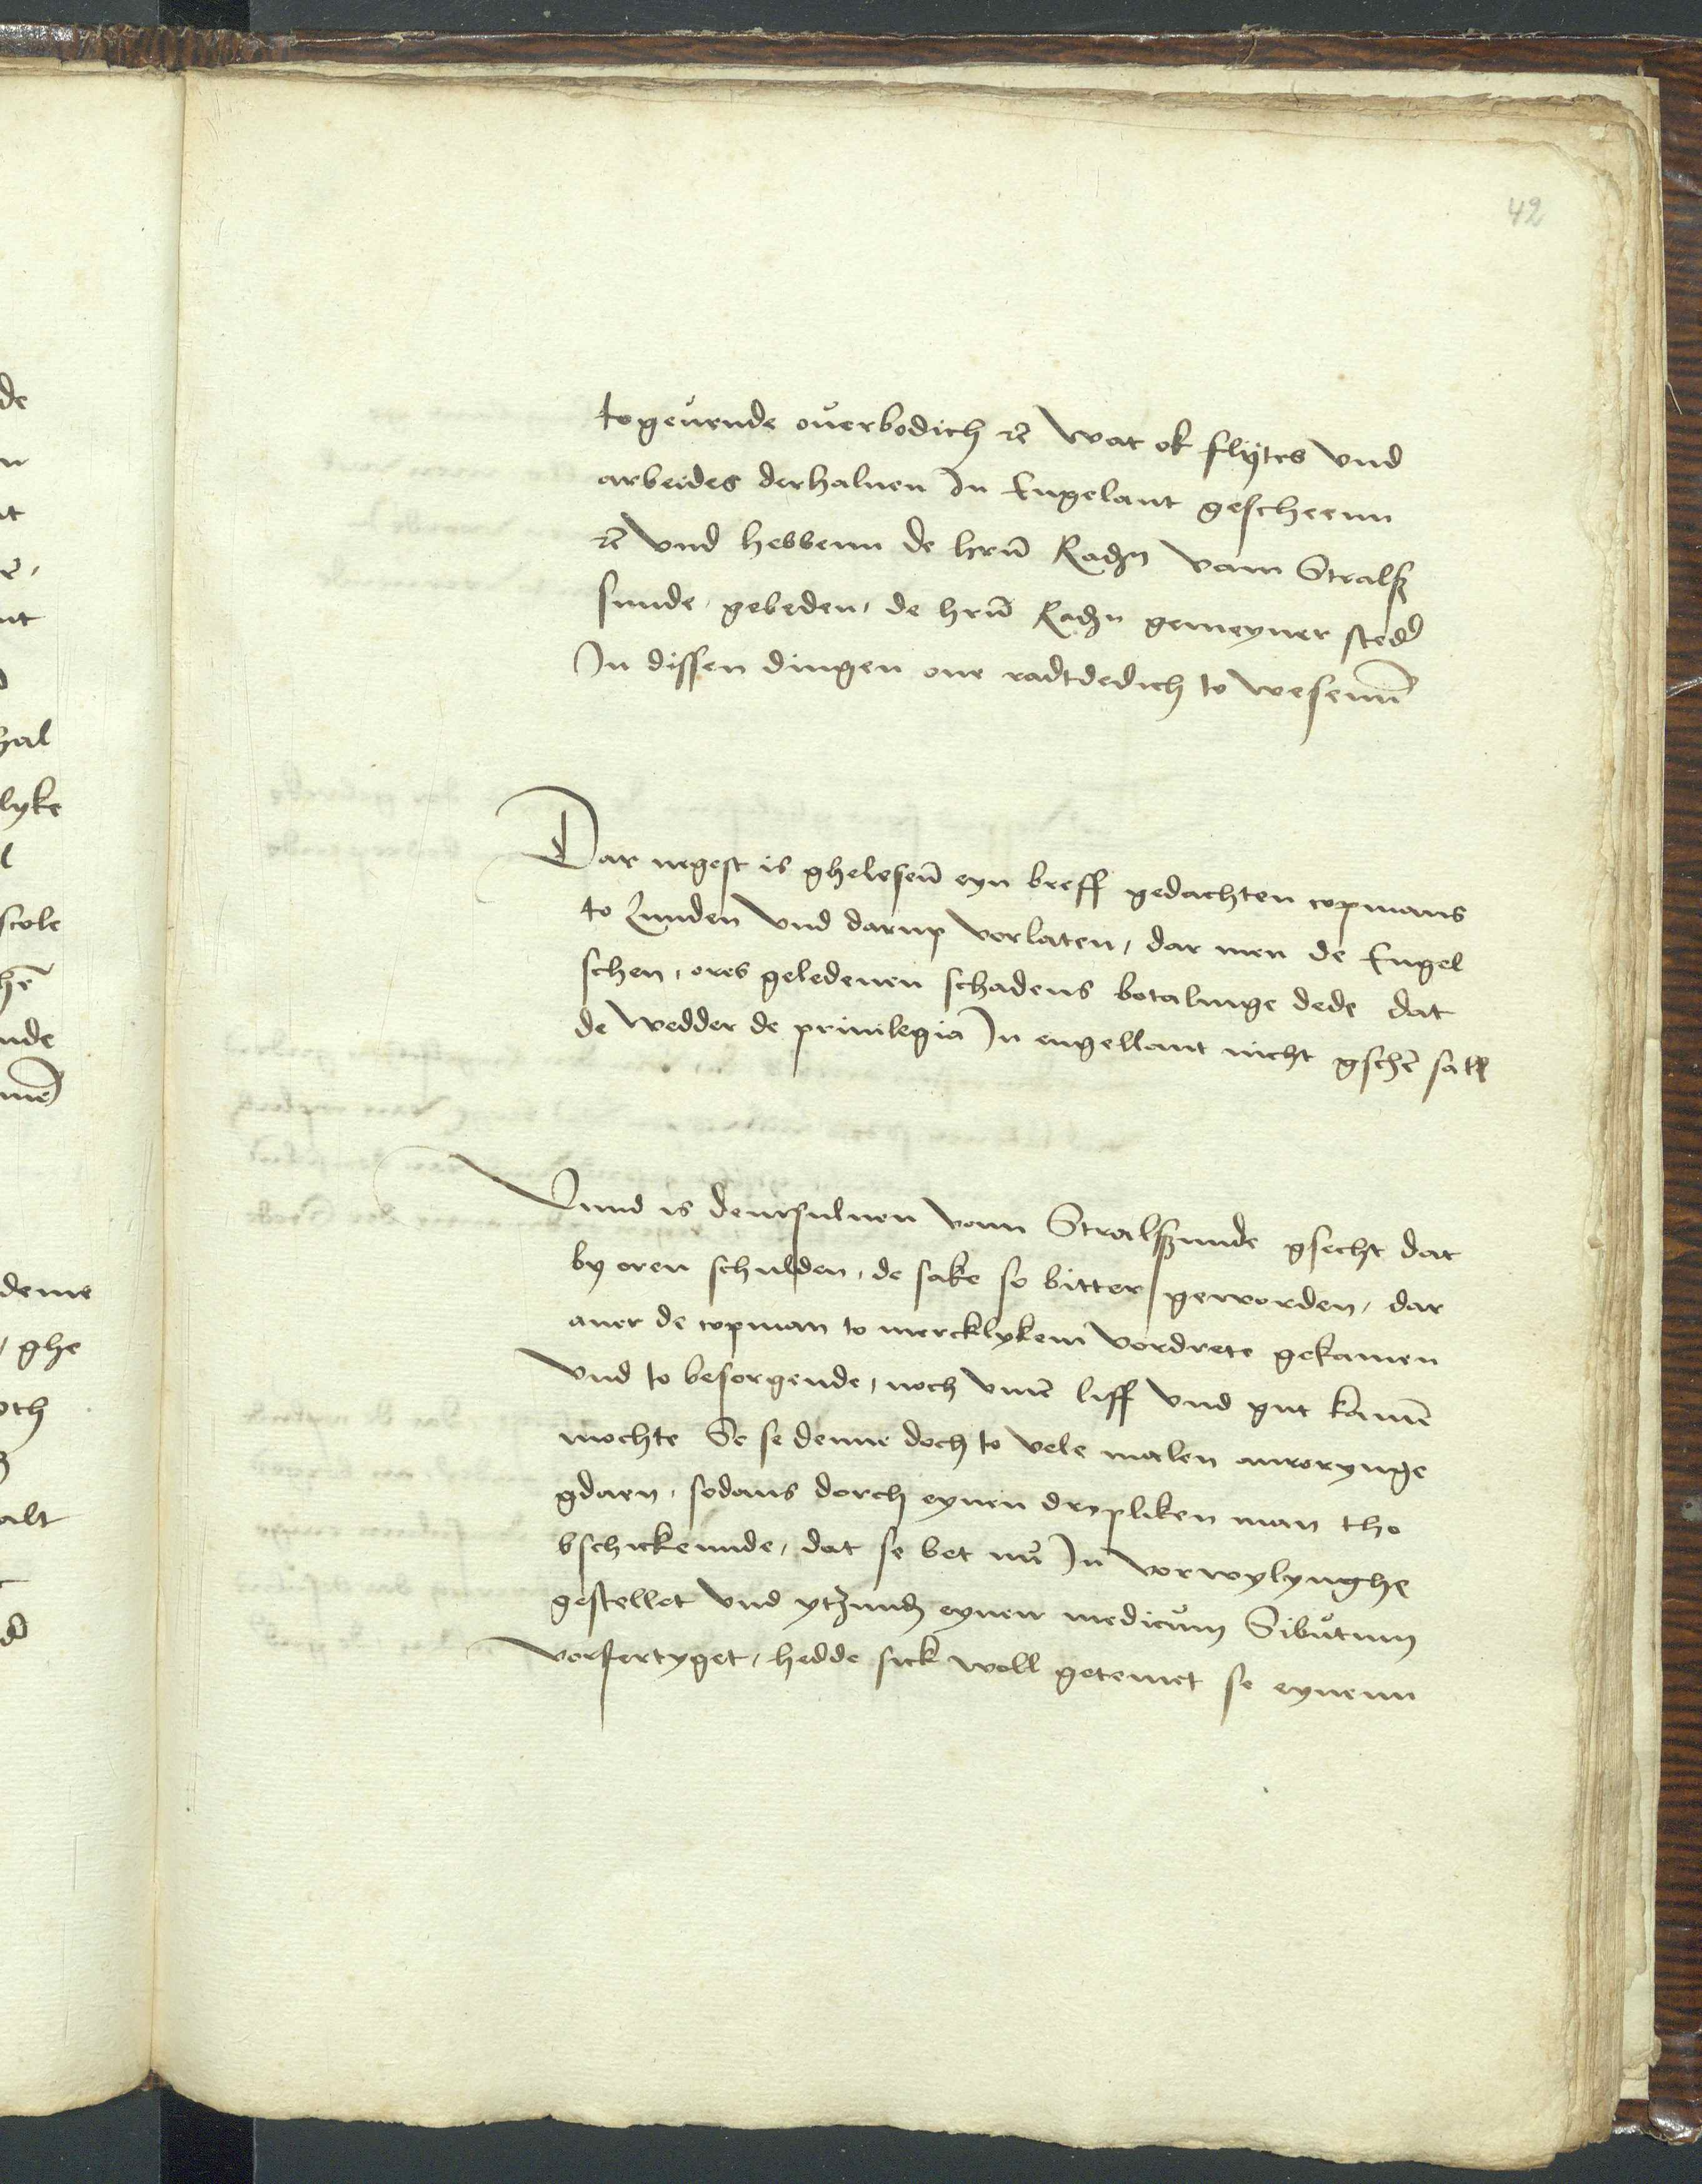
to geuende ouerbodich etc wat ok flijtes vnd
arbeides derhaluen Jn Engelant gescheen
etc vnd hebben de hern Radessendebaden vam Stralsz¬
sunde gebeden, de hern Radessendebaden gemeyner steder
Jn dissen dingen one radtdedich to wesenn
Dar negest is ghelesen eyn breff gedachten copmans
to Lunden vnd darup vorlaten, dar men de Engel¬
schen, ores geledenen schadens botalinge dede dat
de wedder de priuilegia Jn engellant nicht gschen sall
Vnd is denesuluen vam Stralszunde gsecht dat
by oren schulden, de sake so bitter geworden, dar¬
auer de copman to mercklyken vordrete gekamen
vnd to besorgende, noch vmme liff vnd gut kamen
mochte So se denne doch to vele malen anrorynge
gdaen, sodans dorch eynen drepliken man tho
bschickende, dat se bet nu Jn vorwylynghe
gestellet vnd ytzunden eynen medicum Sibutum
verfertyget, hedde sick woll getemet se eynenn
